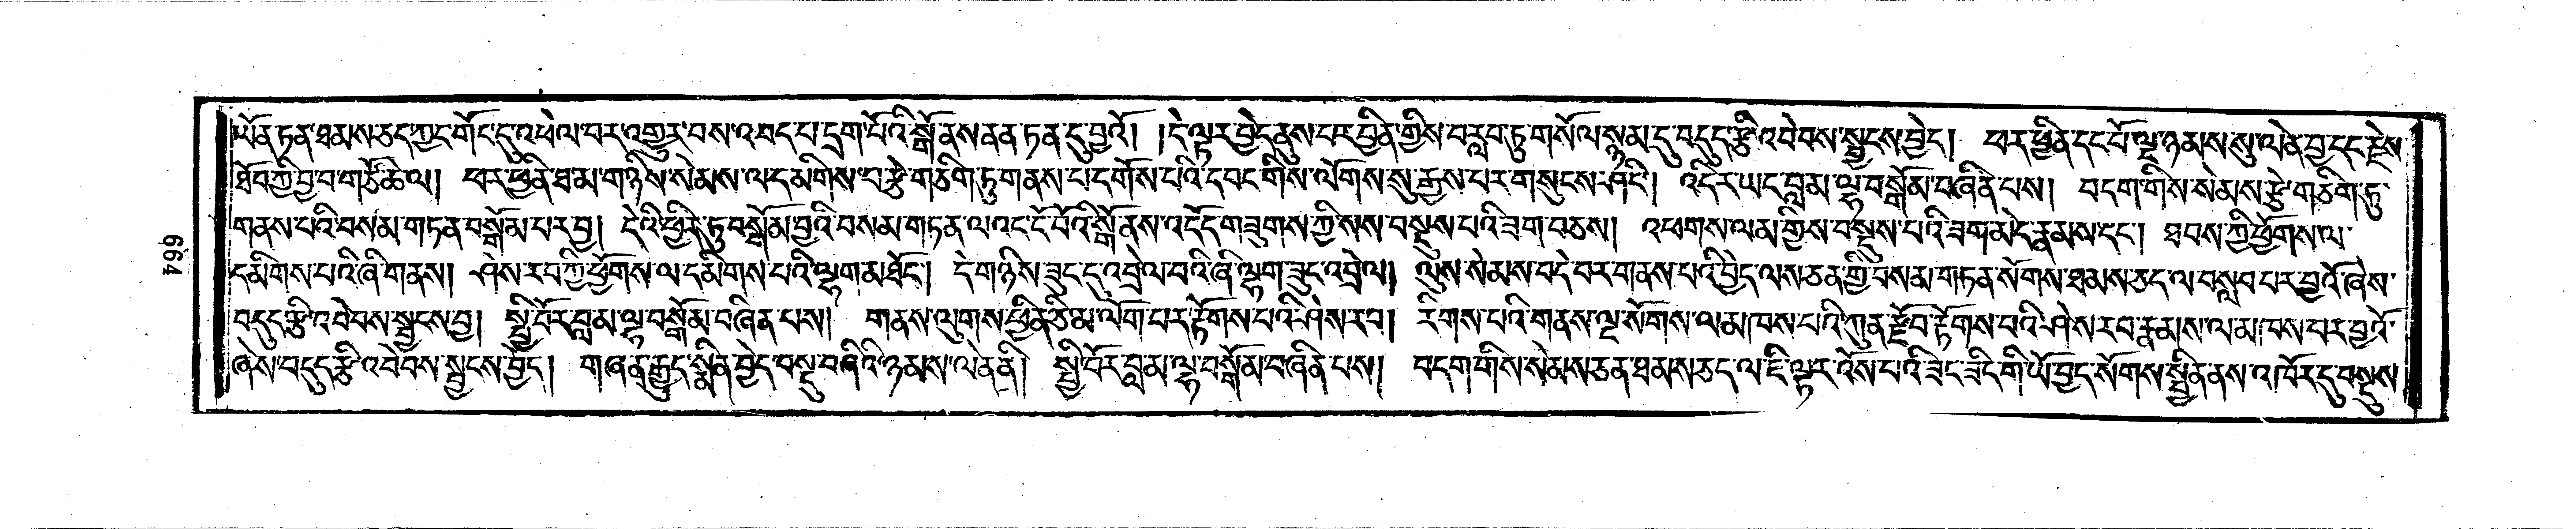ཡོན་ཏན་ཐམས་ཅད་ཀྱང་གོང་དུ་འཕེལ་བར་འགྱུར་བས་འབད་པ་དྲག་པོའི་སྒོ་ནས་ནན་ཏན་དུ་བྱའོ། །དེ་ལྟར་བྱེད་ནུས་པར་བྱིན་གྱིས་བརླབ་ཏུ་གསོལ་སྙམ་དུ་བདུད་རྩི་འབེབས་སྦྱངས་བྱེད། ཕར་ཕྱིན་དང་པོ་ལྔ་སྙམས་སུ་ལེན་བྱ་དང་རྗེས་
ཐོབ་ཀྱི་བྱ་བ་གཙོ་ཆེ་ལ། ཕར་ཕྱིན་ཐ་མ་གཉིས་སེམས་ལ་དམིགས་བ་རྩེ་གཅིག་ཏུ་གནས་པ་དགོས་པའི་དབང་གིས་ལོགས་སུ་རྒྱས་པར་གསུངས་ཤིང་། འདིར་ཡང་བླ་མ་ལྷ་བསྒོམ་བཞིན་པས། བདག་གིས་སེམས་རྩེ་གཅིག་ཏུ་
གནས་པའི་བསམ་གཏན་བསྒོམ་པར་བྱ། དེའི་ཕྱིར་ཏུ་བསྒོམ་བྱའི་བསམ་གཏན་ལའང་ངོ་བོའི་སྒོ་ནས་འདོད་གཟུགས་ཀྱི་སས་བསྡུས་པའི་ཟག་བཅས། འཕགས་ལམ་གྱིས་བསྡུས་པའི་ཟག་མེད་རྣམས་དང་། ཐབས་ཀྱི་ཕྱོགས་ལ་
དམིགས་པའི་ཞི་གནས། ཤེས་རབ་ཀྱི་ཕྱོགས་ལ་དམིགས་པའི་ལྷག་མཐོང་། དེ་གཉིས་ཟུང་དུ་འབྲེལ་བའི་ཞི་ལྷག་ཟུང་འབྲེལ། ལུས་སེམས་བདེ་བར་གནས་པའི་བྱེད་ལས་ཅན་གྱི་བསམ་གཏན་སོགས་ཐམས་ཅད་ལ་བསླབ་པར་བྱའོ་ཞེས་
བདུད་རྩི་འབེབས་སྦྱངས་བྱ། སྤྱི་བོར་བླ་མ་ལྷ་བསྒོམ་བཞིན་པས། གནས་ལུགས་ཕྱིན་ཅི་མ་ལོག་པར་རྟོགས་པའི་ཤེས་རབ། རིགས་པའི་གནས་ལྔ་སོགས་ལ་མཁས་པའི་ཀུན་རྫོབ་རྟོགས་པའི་ཤེས་རབ་རྣམས་ལ་མཁས་བར་བྱའོ་
ཞེས་བདུད་རྩི་འབེབས་སྦྱངས་བྱེད། གཞན་རྒྱུད་སྨིན་བྱེད་བསྡུ་བཞིའི་ཉམས་ལེན་ནི། སྤྱི་བོར་བླ་མ་ལྷ་བསྒོམ་བཞིན་པས། བདག་གིས་སེམས་ཅན་ཐམས་ཅད་ལ་ཇི་ལྟར་འོས་པའི་ཟང་ཟིང་གི་ཡོ་བྱད་སོགས་སྦྱིན་ནས་འཁོར་དུ་བསྡུས་